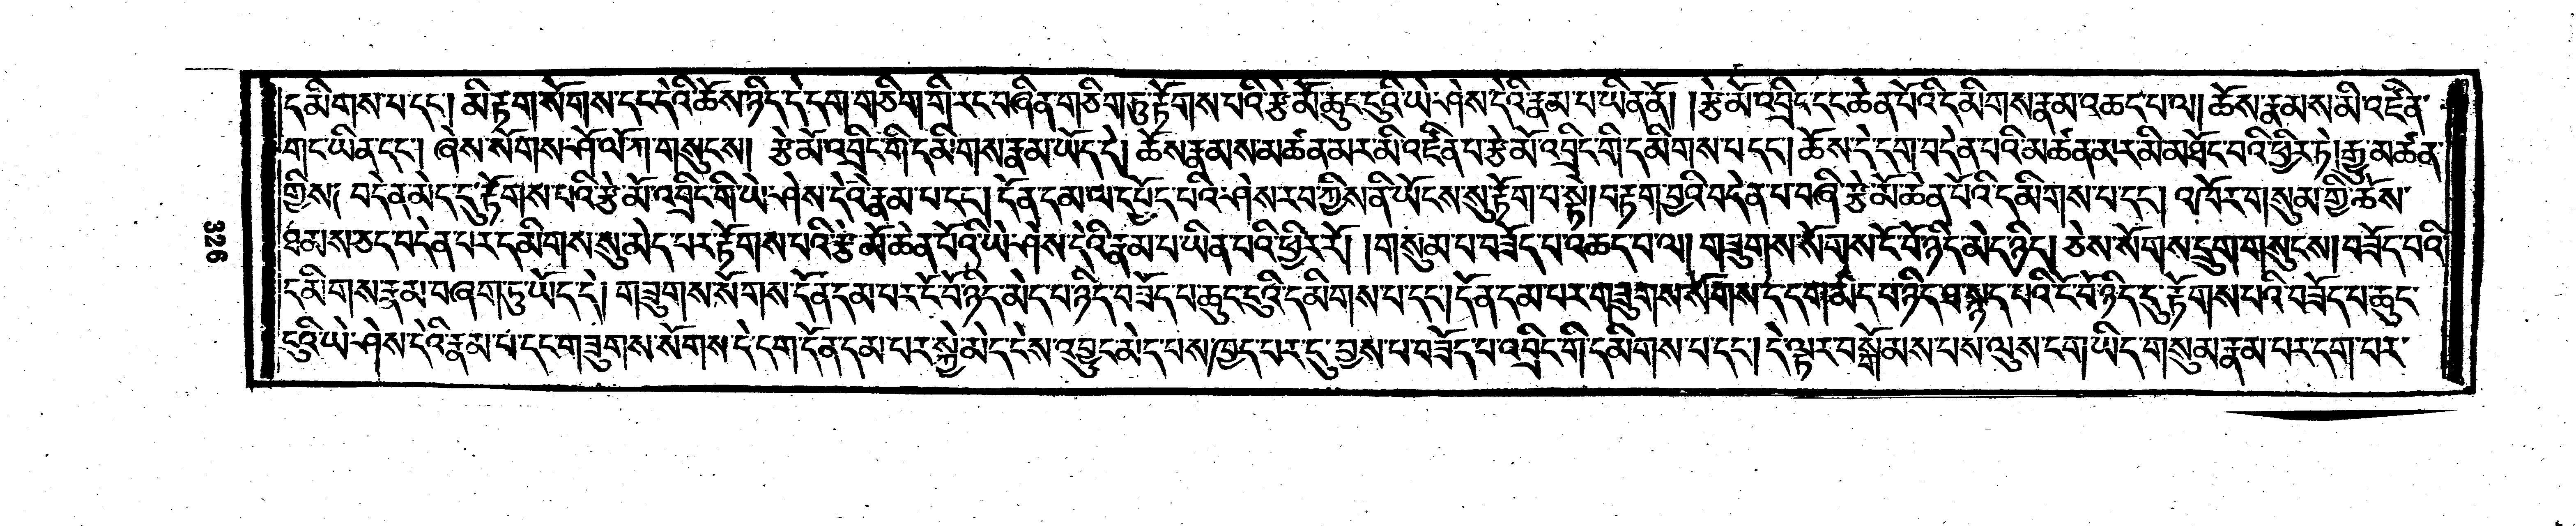དམིགས་པ་དང་། མི་རྟག་སོགས་དང་དེའི་ཆོས་ཉིད་དེ་དག་གཅིག་གི་རང་བཞིན་གཅིག་ཏུ་རྟོགས་པའི་རྩེ་མོ་ཆུང་ངུའི་ཡེ་ཤེས་དེའི་རྣམ་པ་ཡིན་ནོ། །རྩེ་མོ་འབྲིང་དང་ཆེན་པོའི་དམིགས་རྣམ་འཆད་པ་ལ། ཆོས་རྣམས་མི་འཛིན།
གང་ཡིན་དང་། ཞེས་སོགས་ཤོ་ལོ་ཀ་གསུངས། རྩེ་མོ་འབྲིང་གི་དམིགས་རྣམ་ཡོད་དེ། ཆོས་རྣམས་མཚན་མར་མི་འཛིན་པ་རྩེ་མོ་འབྲིང་གི་དམིགས་པ་དང་། ཆོས་དེ་དག་བདེན་པའི་མཚན་མར་མི་མཐོང་བའི་ཕྱིར་ཏེ། རྒྱུ་མཚན་
གྱིས། བདེན་མེད་དུ་རྟོགས་པའི་རྩེ་མོ་འབྲིང་གི་ཡེ་ཤེས་དེའི་རྣམ་པ་དང་། དོན་དམ་ལ་དཔྱོད་པའི་ཤེས་རབ་ཀྱིས་ནི་ཡོངས་སུ་རྟོག་པ་སྟེ། བརྟག་བྱའི་བདེན་པ་བཞི་རྩེ་མོ་ཆེན་པོའི་དམིགས་པ་དང་། འཁོར་གསུམ་གྱི་ཆོས་
ཐམས་ཅད་བདེན་པར་དམིགས་སུ་མེད་པར་རྟོགས་པའི་རྩེ་མོ་ཆེན་པོའི་ཡེ་ཤེས་དེའི་རྣམ་པ་ཡིན་པའི་ཕྱིར་རོ། །གསུམ་པ་བཟོད་པ་འཆད་པ་ལ། གཟུགས་སོགས་ངོ་བོ་ཉིད་མེད་ཉིད། ཅེས་སོགས་དྲུག་གསུངས། བཟོད་པའི་
དམིགས་རྣམ་བཞག་ཏུ་ཡོད་དེ། གཟུགས་སོགས་དོན་དམ་པར་ངོ་བོ་ཉིད་མེད་པ་ཉིད་བཟོད་པ་ཆུང་ངུའི་དམིགས་པ་དང་། དོན་དམ་པར་གཟུགས་སོགས་དེ་དག་མེད་པ་ཉིད་ཐ་སྙད་པའི་ངོ་བོ་ཉིད་དུ་རྟོགས་པའི་བཟོད་པ་ཆུང་
ངུའི་ཡེ་ཤེས་དེའི་རྣམ་པ་དང་གཟུགས་སོགས་དེ་དག་དོན་དམ་པར་སྐྱེ་མེད་ངེས་འབྱུང་མེད་པས་ཁྱད་པར་དུ་བྱས་པ་བཟོད་པ་འབྲིང་གི་དམིགས་པ་དང་། དེ་ལྟར་བསྒོམས་པས་ལུས་ངག་ཡིད་གསུམ་རྣམ་པར་དག་པར་